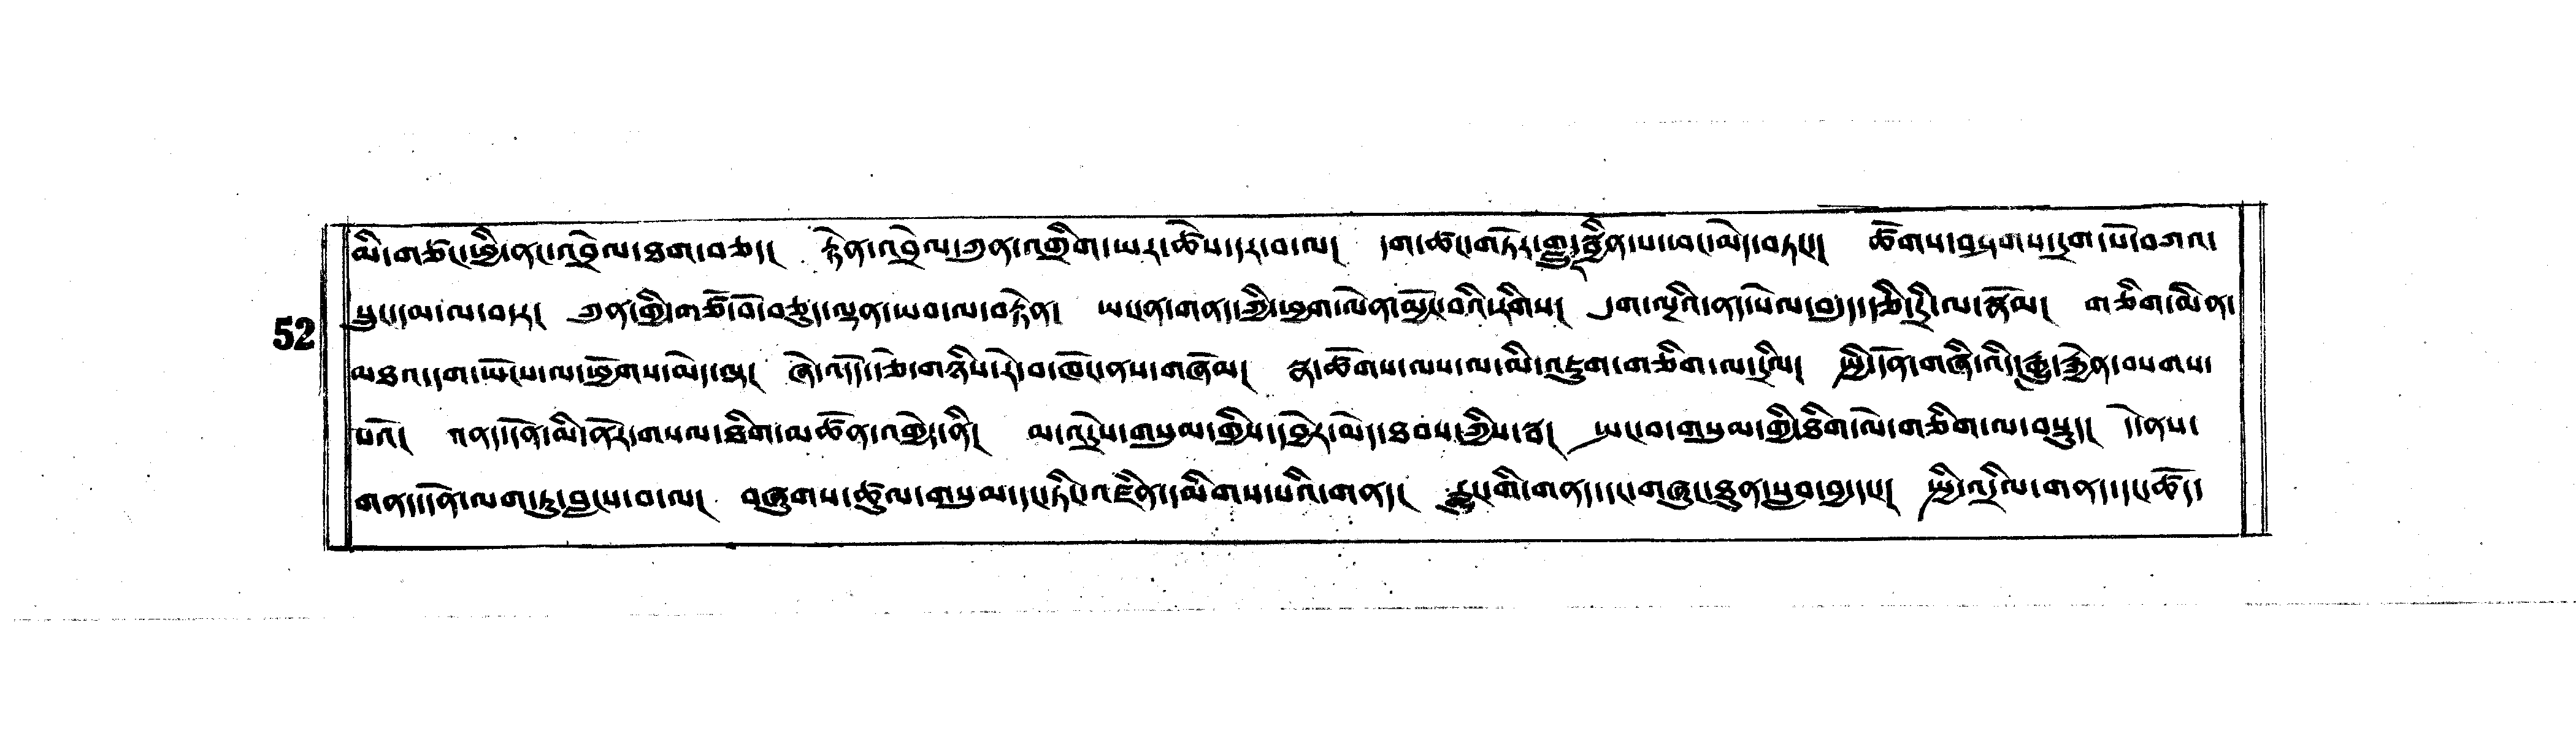མི་གཙང་ཕྱི་ནང་འབྲེལ་ཐག་བཅད། རྟེན་འབྲེལ་ཀུན་འགྲིག་ཡར་ཚེས་དར་བ་ལ། དག་གཙང་གཏོར་གླུད་སྦྱིན་པ་ཕོངས་མེད་བཏང་། ཚོགས་བཤགས་དྲག་པོ་བཀའ་
སྲུང་དམ་ལ་བདར། ཀུན་གྱི་གཙོ་བོ་བཅུད་ལྡན་ཡབ་ལ་བརྟེན། ཡང་ན་གནད་ཀྱི་ཕྱག་ལེན་མྱོང་བའི་རིགས། དུག་ལྔའི་ནད་སེལ་བདུད་རྩི་དྲི་ལ་སྣོམ། གཅིག་མིན་
མཐའ་དག་ཡོངས་ལ་ཕྱོགས་མེད་ལྟ། ཞེ་འདོད་རྩེ་གཉིས་རེ་བ་ཁོང་ནས་གཞོམ། སྣ་ཚོགས་ལས་ལ་མི་འཇུག་གཅིག་ལ་དྲིལ། སྤྱི་དོན་གཞི་འདི་རྒྱུ་རྐྱེན་བསགས་
པའོ། གནད་དོན་མི་ནོར་གསལ་ཐིག་མཚོན་འགྱེད་ནི། མ་འདྲེས་གསུམ་གྱིས་དབྱེར་མེད་ཐབས་ཀྱིས་སྦ། སྤང་བ་གསུམ་གྱིས་ཐིག་ལེ་གཅིག་ལ་བསྡུད། དེ་ནས་
གནད་དོན་ལག་ཏུ་བླང་བ་ལ། བཞུགས་ཚུལ་གསུམ་དང་ཏིང་འཛིན་དམིགས་པའི་གནད། རླུང་གི་གནད་དང་གཞུང་ཐུན་བསླབ་བྱ་དང་། སྤྱི་འདྲིལ་གནད་དང་ཚོད་